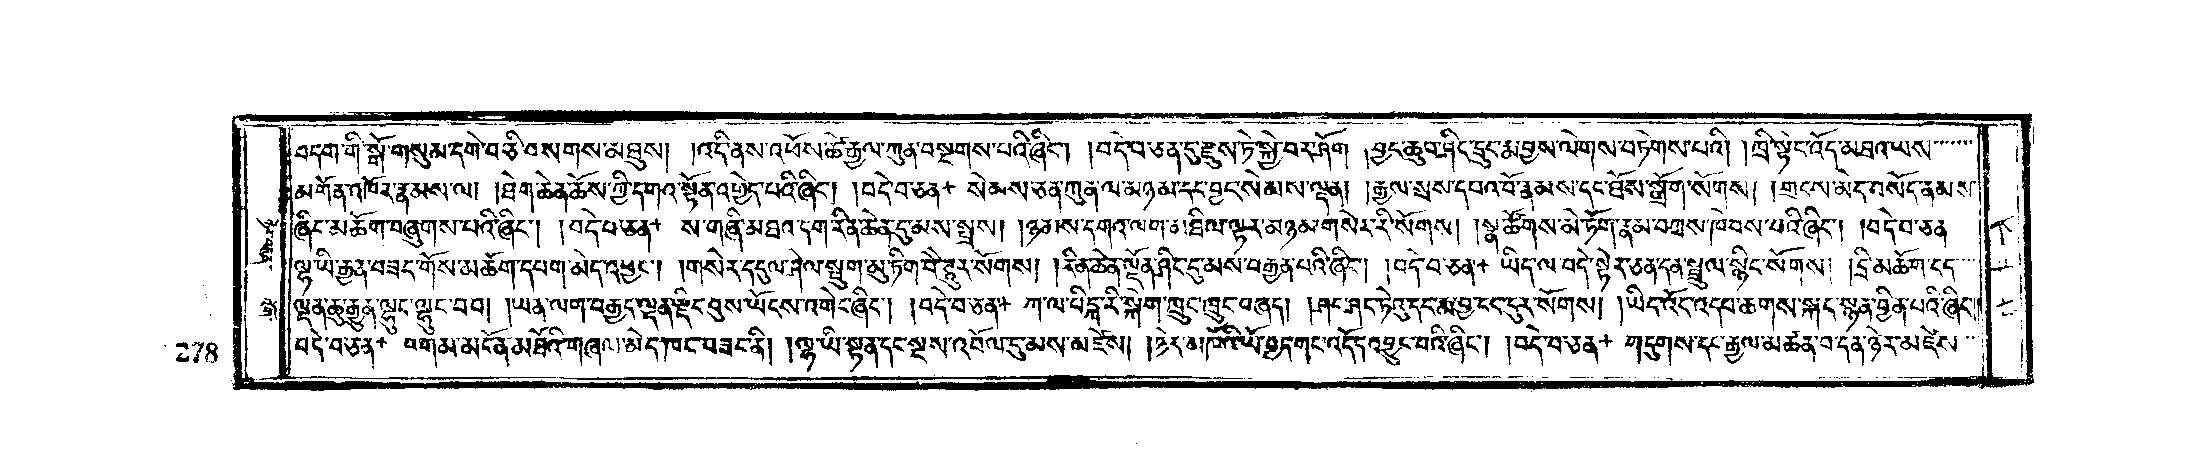བདག་གི་སྒོ་གསུམ་དགེ་བ་ཅི་བསགས་མཐུས། །འདི་ནས་འཕོས་ཚེ་རྒྱལ་ཀུན་བསྔགས་པའི་ཞིང་། །བདེ་བ་ཅན་དུ་རྫུས་ཏེ་སྐྱེ་བར་ཤོག །བྱང་ཆུབ་ཤིང་དྲུང་རྨ་བྱས་ལེགས་བཏེགས་པའི། །ཁྲི་སྟེང་འོད་མཐའ་ཡས་
མགོན་འཁོར་རྣམས་ལ། །ཐེག་ཆེན་ཆོས་ཀྱི་དགའ་སྟོན་འགྱེད་པའི་ཞིང་། །བདེ་བ་ཅན་+་སེམས་ཅན་ཀུན་ལ་མཉམ་དང་བྱང་སེམས་ལྡན། །རྒྱལ་སྲས་དཔའ་བོ་རྣམས་དང་ཐོས་སྒྲོག་སོགས། །གྲངས་མེད་བསོད་ནམས་
ཞིང་མཆོག་བཞུགས་པའི་ཞིང་། །བདེ་བ་ཅན་+་ས་གཞི་མཐའ་དག་རིན་ཆེན་དུ་མས་སྤྲས། །ཉམས་དགའ་ལག་མཐིལ་ལྟར་མཉམ་གསེར་རི་སོགས། །སྣ་ཚོགས་མེ་ཏོག་རྣམ་བཀྲས་ཁེབས་པའི་ཞིང་། །བདེ་བ་ཅན་
ལྷ་ཡི་རྒྱན་བཟང་གོས་མཆོག་དཔག་མེད་འཕྱང་། །གསེར་དངུལ་ཤེལ་སྦུག་མུ་ཏིག་བཻཌཱུར་སོགས། །རིན་ཆེན་ལྗོན་ཤིང་དུ་མས་བརྒྱན་པའི་ཞིང་། །བདེ་བ་ཅན་+་ཡིད་ལ་བདེ་སྟེར་ཅན་དན་སྦྲུལ་སྙིང་སོགས། །དྲི་མཆོག་དང་
ལྡན་ཆུ་རྒྱུན་ལྷུང་ལྷུང་བབ། །ཡན་ལག་བརྒྱད་ལྡན་རྫིང་བུས་ཡོངས་འགེང་ཞིང་། །བདེ་བ་ཅན་+་ཀ་ལ་པིངྐ་རི་སྐེག་ཁྲུང་ཁྲུང་བཞད། །ཤང་ཤང་ཏེའུ་དང་རྨ་བྱ་ངང་དུར་སོགས། །ཡིད་འོང་འདབ་ཆགས་སྐད་སྙན་བྱིན་པའི་ཞིང་།
བདེ་བ་ཅན་+་བགམ་མངོན་མཐོའི་གཞལ་མེད་ཁང་བཟང་ནི། །ལྷ་ཡི་སྟན་དང་སྔས་འབོལ་དུ་མས་མཛེས། །ཉེར་མཁོའི་ཡོ་བྱད་གང་འདོད་འབྱུང་བའི་ཞིང་། །བདེ་བ་ཅན་+་གདུགས་དང་རྒྱལ་མཚན་བ་དན་ཉེར་མཛེས་